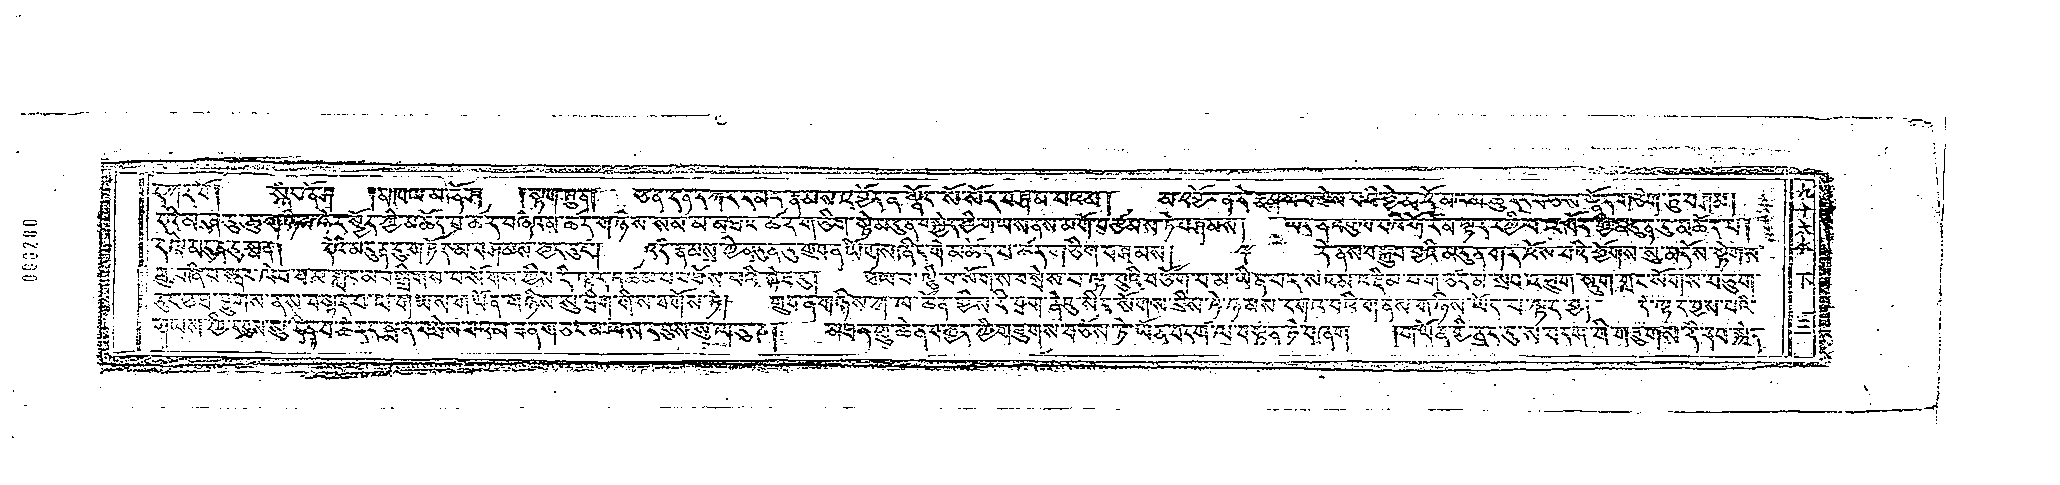དཀར་པོ། སྙིད་ཞོ་ཤ་མཁལ་མ་ཞོ་ཤ་།སྟག་ཤུན། ཙན་དན་དཀར་དམར་རྣམས་འཕྱེད་ན་སྣོད་སོ་སོར་བཤམ་པའམ། མ་འབྱོར་ན་དེ་ནམས་བསྲེས་པའི་ཕྱེ་མ་འོ་མའམ་ཆུ་དང་བཅས་སྣོད་གཅིག་ཏུ་བཤམ།
དའི་མདུན་དུ་ཆུ་གཉིས་ཉེར་སྤྱོད་ཀྱི་མཆོད་པ་ཚར་བཞིའམ་མཚར་གཉིས་སམ་མ་མཐའ་ཚར་གཅིག་སྟེ་མདུན་བསྐྱེད་ཀྱི་གཡས་ནས་མགོ་བརྩམས་ཏེ་བཤམས། ཡང་ན་འབུལ་བའི་གོ་རིམ་ལྟར་དཀྱིལ་འཁོར་གྱི་མདུན་དུ་མཆོད་པ།
དེའི་མདུན་དུ་སྨན། དེའི་མདུན་དུ་གཏོར་མ་བཤམས་ཀྱང་རུང་། འདི་རྣམས་ཀྱི་མདུན་དུ་གྲུབ་ན་ཚོགས་ཞིང་གི་མཆོད་པ་ཚར་གཅིག་བཤམས། ༈ དེ་ནས་བསྒྲུབ་བྱའི་མདུན་ནམ་འོས་པའི་ཕྱོགས་སུ་མདོས་སྟེགས་
གྲུ་བཞི་པ་སྤང་ལེབ་བམ་གླང་མ་བསྒྲིགས་པ་སོགས་ཀྱིས་ཇི་ལྟར་འཚམ་པ་བཟོས་བའི་སྟེང་དུ། བྲལ་པ་ལྕི་བ་སོགས་བསྲེས་བ་ལྟ་བུའི་བཅོག་པ་མ་ཡིན་བར་ས?་འམ་འཇིམ་པ་གཙང་མ་སྲབ་འཐུག་སྙུག་གླད་སོགས་བཅུག་
རུང་ཙམ་བྱུགས་ནས་བསྟར་པ་ལ་གཡས་གཡོན་གཉིས་སུ་ཐིག་གིས་བགོས་ཏེ། གྲུབ་ན་གཉིས་ཀ་ཡ་ཚོན་གྱིས་རི་བྲག་ནེ་འུས་ད་སོགས་བྲིས་ཏེ་ཉམས་དགའ་བའི་གནས་གཉིས་ཡོད་པ་ལྟར་བྱ། དེ་ལྟར་བྱས་བའི།།
གཡས་ཀྱི་དབུས་སུ་རིན་པོ་ཆེ་དང་སྨན་བསྲེས་པའམ་ཟན་གཅེད་མ་ལས་དབུས་སུ་ལྭ་རུ་ཎ། མཐར་ཀླུ་ཆེན་བརྒྱད་ཀྱི་གཟུགས་བཅོས་ཏེ་ཡོན་བདག་ལ་བསྟན་ཏེ་བཞག །གཡོན་གྱི་ནང་དུ་ས་བདག་གི་གཟུགས་རི་རབ་སྒེང་